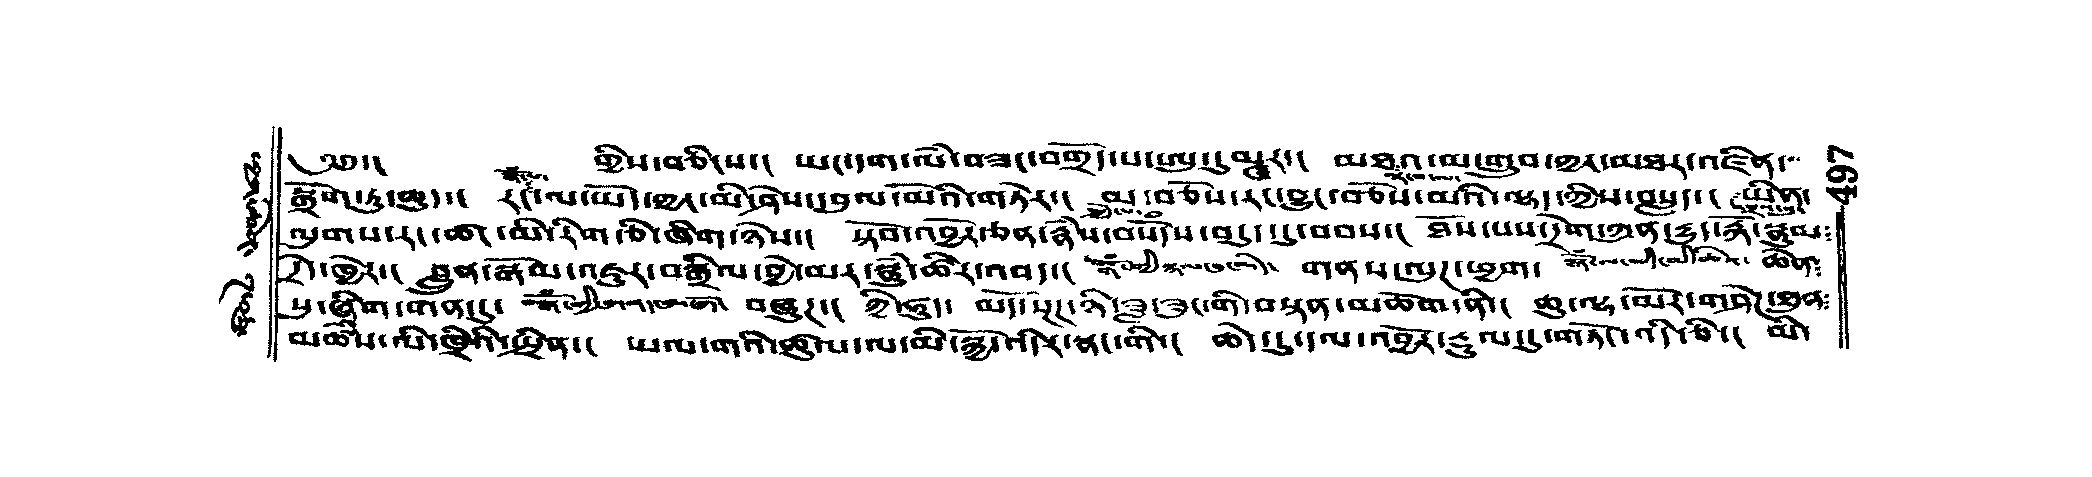གྱིས་བཅིངས། །ཡང་དག་ལམ་བཟང་བགྲོད་པ་ཨུ་དུམ་ཝར། །མཐའ་མ་གྲུབ་ཀྱང་མཐར་འཛིན་
སྒྲོག་ཏུ་ཆུད། རང་ལ་ཡོད་ཀྱང་མི་ཤེས་དབུལ་མོའི་གཏེར། མ་བཅོས་རང་བྱུང་བཅོས་མའི་ལྷད་ཀྱིས་བསླད། །ཡིན་
ལུགས་རང་ཚང་མི་རིག་ཅི་ཞིག་ཉེས། །སྟོབས་འབྱོར་ཅན་རྣམས་བསོད་ནམས་བདུད་དུ་འབབས། །ཐོས་པས་དྲེགས་ཀུན་རྒྱུད་རྐོ་སྣུམ་
དྲེད་ཁྱེར། །བླུན་སྒོམ་འཇུར་བསྒྲིལ་བྱེ་མར་སྣུམ་ཚིར་འབད། །གནས་ལུགས་ཕྱག་ཆེན་
སུ་ཞིག་གནད་དུ་བཞུགས། ཁྱེ་ཧུད་མདོ་སྔགས་ཉི་ཟླ་ཟུང་གི་བསྟན་མཆོག་ནི། །ཆུ་ལྷ་མོར་གཤེགས་ཐུན་
མཚམས་ལི་ཁྲིའི་སྤྲིན། །ཡལ་གའི་ཚུལ་ལ་མི་སྐྱོ་འདིར་སྣང་གི །ཆེད་དུ་དལ་འབྱོར་རྡུལ་དུ་གཏོང་འདི་ཅི། །མི་